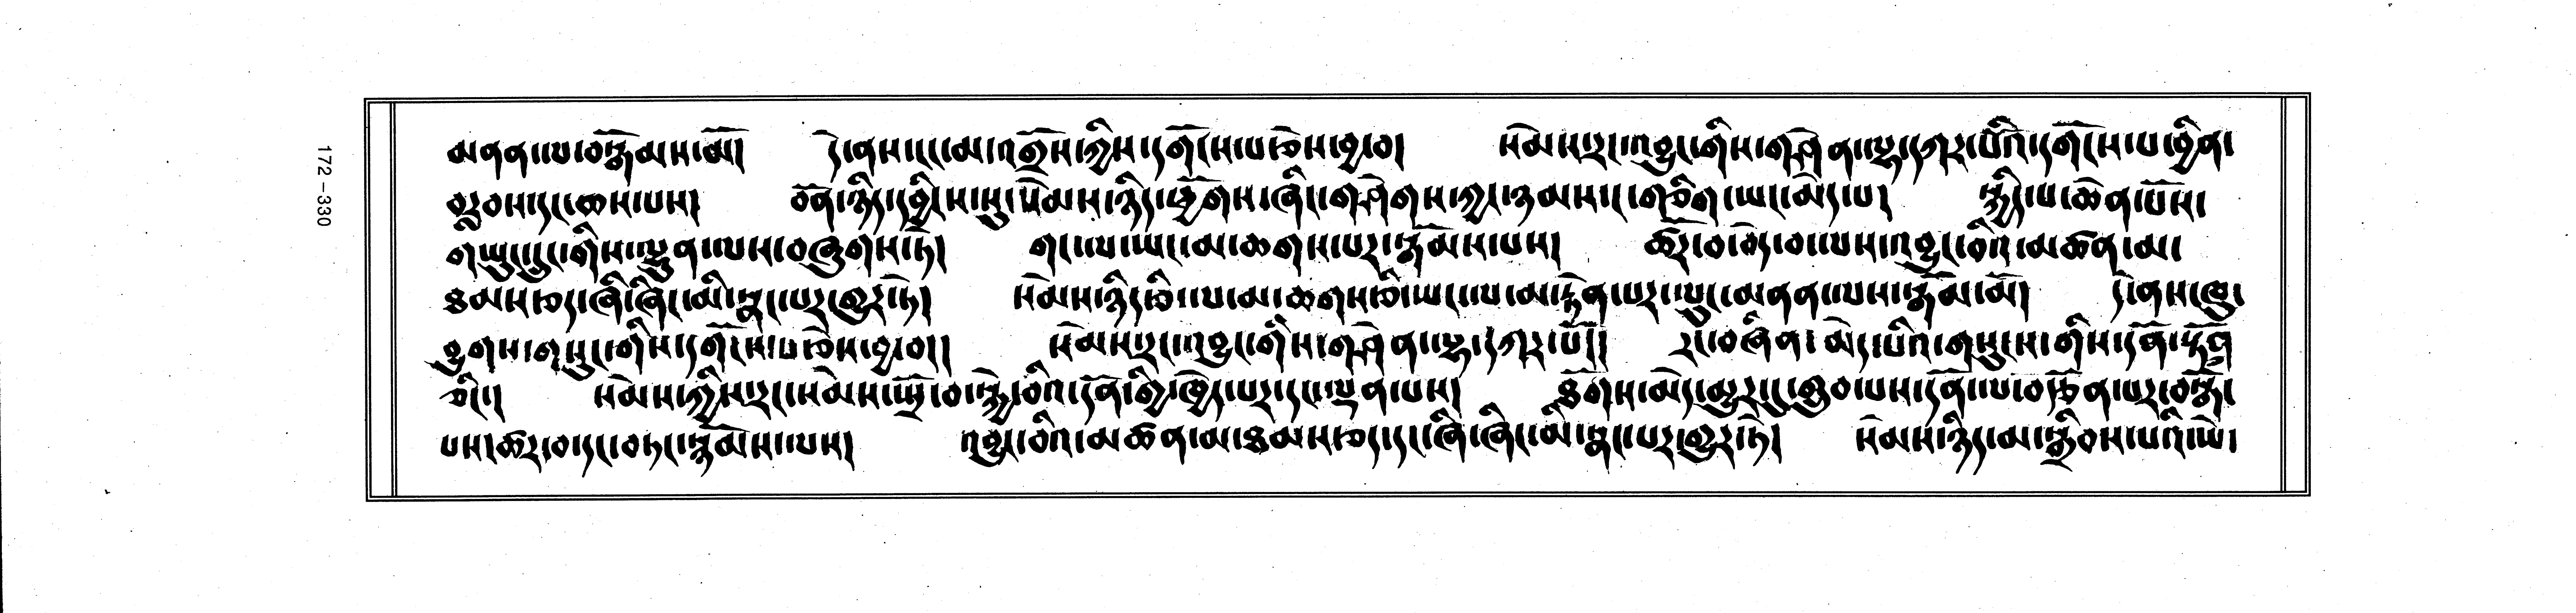མནན་ལ་བསྒོམས་མོ། དེ་ནས་ངང་མ་འགྲོས་ཀྱིས་དགོངས་པ་ཅེས་བྱ་བ། སེམས་རང་འབྱུང་གིས་གཤེན་ལྷ་དཀར་པོའི་དགོངས་པ་བྱིན་
བརླབས་དང་ཆས་པས། བོན་ཉིད་དབྱིངས་སུ་སེམས་ཉིད་ཕྱོགས་ཞིང་གཤེགས་ཀྱང་ཉམས་ང་གཅིག་ཡང་མེད་པ། སྐྱིད་པ་ཆེན་པོས་
གཡུང་དྲུང་གིས་ལྷུན་ལས་བཞུགས་ཏེ། གང་ལ་ཡང་མ་ཆགས་པར་སྒོམས་པས། ཚོར་བ་བདེ་བ་ལས་འབྱུང་བའི་མཚན་མ་
ཐམས་ཅད་ཞི་ཞིང་མི་སྣང་པར་གྱུར་ཏེ། སེམས་ཉིད་ཅི་ལ་མ་ཆགས་ཅི་ཡང་ལ་མ་རྟེན་པར་ལུང་མནན་ལས་སྒོམ་མོ། དེ་ནས་ཁུ་
བྱུགས་གསུང་གིས་དགོངས་པ་ཅེས་བྱ་བ། སེམས་རང་འབྱུང་གིས་གཤེན་ལྷ་དཀར་པོ། རང་བཞིན་མེད་པའི་གསུངས་གིས་དོན་སྟོན་
ཅིང་། སེམས་ཀྱིས་རང་སེམས་སྤྲོ་བ་སྐྱེ་བའི་དོན་གྱི་ཁྱེད་པར་དང་ལྡན་པས། ཐོགས་མེད་མྱུར་དུ་གྲུབ་པས་དོན་ལ་བརྩོན་པར་བསྒོམ་
པས་ཚར་བ་དང་བཏང་སྙོམས་ལས། འབྱུང་བའི་མཚན་མ་ཐམས་ཅད་དང་ཞི་ཞིང་མི་སྣང་པར་གྱུར་ཏེ། སེམས་ཉིད་མ་སྒྲིབས་པའི་ཡེ་